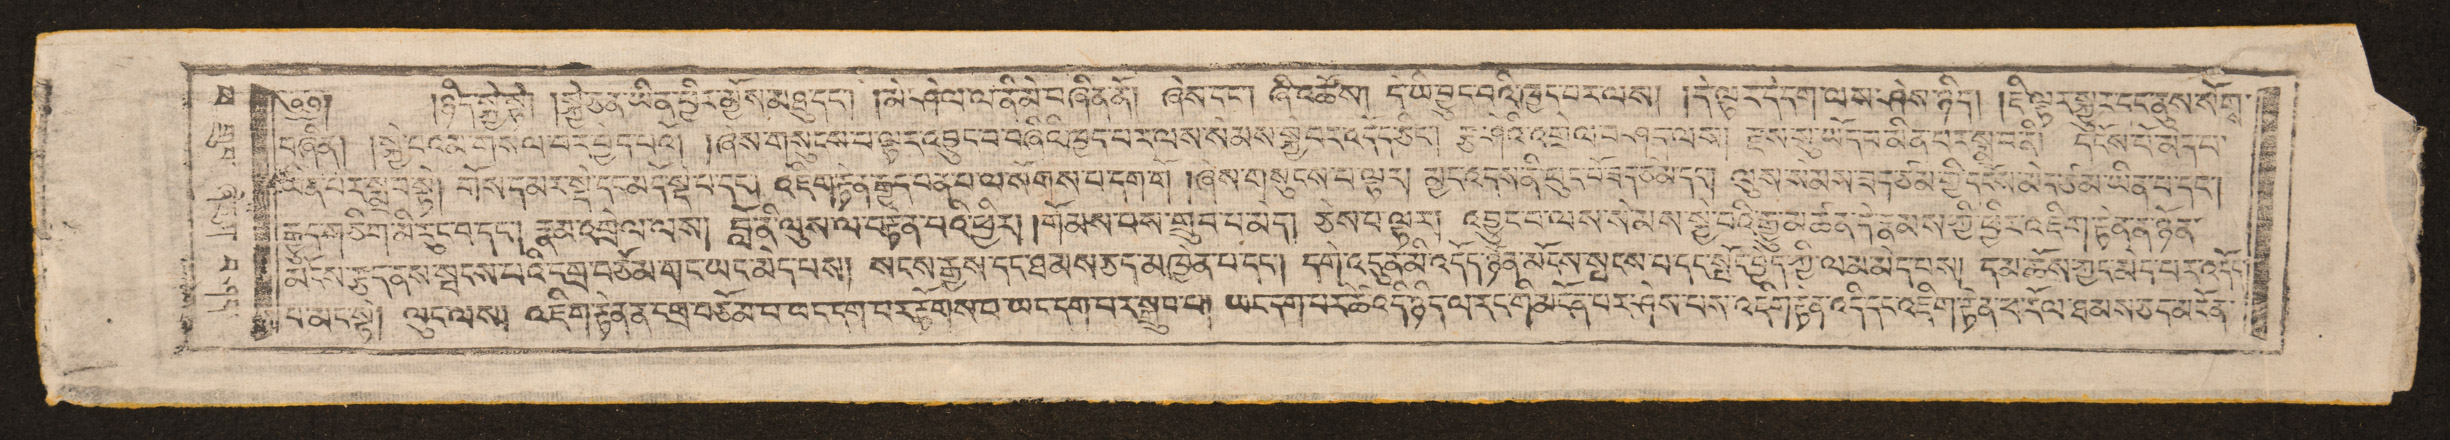༄༅། །ཉིད་སྐྱེ་སྟེ། །སྐྱེ་ཅན་ཡིན་ཕྱིར་མྱོས་མཐུ་དང་། །མེ་ཤེལ་ལ་ནི་མེ་བཞིན་ནོ། ཞེས་དང་། ཞི་འཚོས། དེ་ཡི་བྱུང་བའི་ཁྱད་པར་ལས། །དེ་ལྟར་དེ་དག་ལས་ཤེས་ཉིད། །ཇི་ལྟར་སྐྱུར་དང་ནུས་སོགས་
བཞིན། །སྐྱེ་བའམ་གསལ་བར་བྱེད་པའོ། །ཞེས་གསུངས་པ་ལྟར་འབྱུང་བ་བཞིའི་ཁྱད་པར་ལས་སེམས་སྐྱེ་བར་འདོད་ཅིང་། རྩ་ཤེའི་འགྲེལ་བཤད་ལས། རྫས་སུ་ཡོད་པ་མིན་པར་སྨྲ་བ་ནི། དངོས་པོ་མེད་པ་
ཡིན་པར་སྨྲ་བ་སྟེ། གོས་དམར་སྡེ་དང་མདོ་སྡེ་པ་དང་། འཇིག་རྟེན་རྒྱང་བན་པ་ལ་སོགས་པ་དག་གོ །ཞེས་གསུངས་པ་ལྟར། མྱང་འདས་ནི་ཕུང་པོ་ཟད་ཙམ་དང་། ལུས་སེམས་ཟད་ཙམ་གྱི་དངོས་མེད་ཙམ་ཡིན་པ་དང་།
རྒྱུད་གཅིག་མི་རུང་བ་དང་། རྣམ་འགྲེལ་ལས། བློ་ནི་ལུས་ལ་བརྟེན་པའི་ཕྱིར། །གོམས་པས་གྲུབ་པ་མེད། ཅེས་པ་ལྟར། འབྱུང་བ་ལས་སེམས་སྐྱེ་བའི་རྒྱུ་མཚན་དེ་རྣམས་ཀྱི་ཕྱིར་འཇིག་རྟེན་ན་ཉོན་
མངོས་རྩད་ནས་སྤངས་པའི་དགྲ་བཅོམ་གང་ཡང་མེད་པས། སངས་རྒྱས་དང་ཐམས་ཅད་མཁྱེན་པ་དང་། དགེ་འདུན་མི་འདོད་ཉོན་མོངས་སྤངས་པ་དང་སྤོང་བྱེད་ཀྱི་ལམ་མེད་པས། དམ་ཆོས་ཀྱང་མེད་པར་འདོད་
བ་མང་སྟེ། ལུང་ལས། འཇིག་རྟེན་ན་དགྲ་བཅོམ་པ་ཡང་དག་པར་རྟོགས་པ་ཡང་དག་པར་སྒྲུབ་པ། ཡང་དག་པར་ཚེ་འདི་ཉིད་ལ་རང་གི་མངོན་པར་ཤེས་པས་འཇིག་རྟེན་འདི་དང་འཇིག་རྟེན་ཕ་རོལ་ཐམས་ཅད་མངོན་